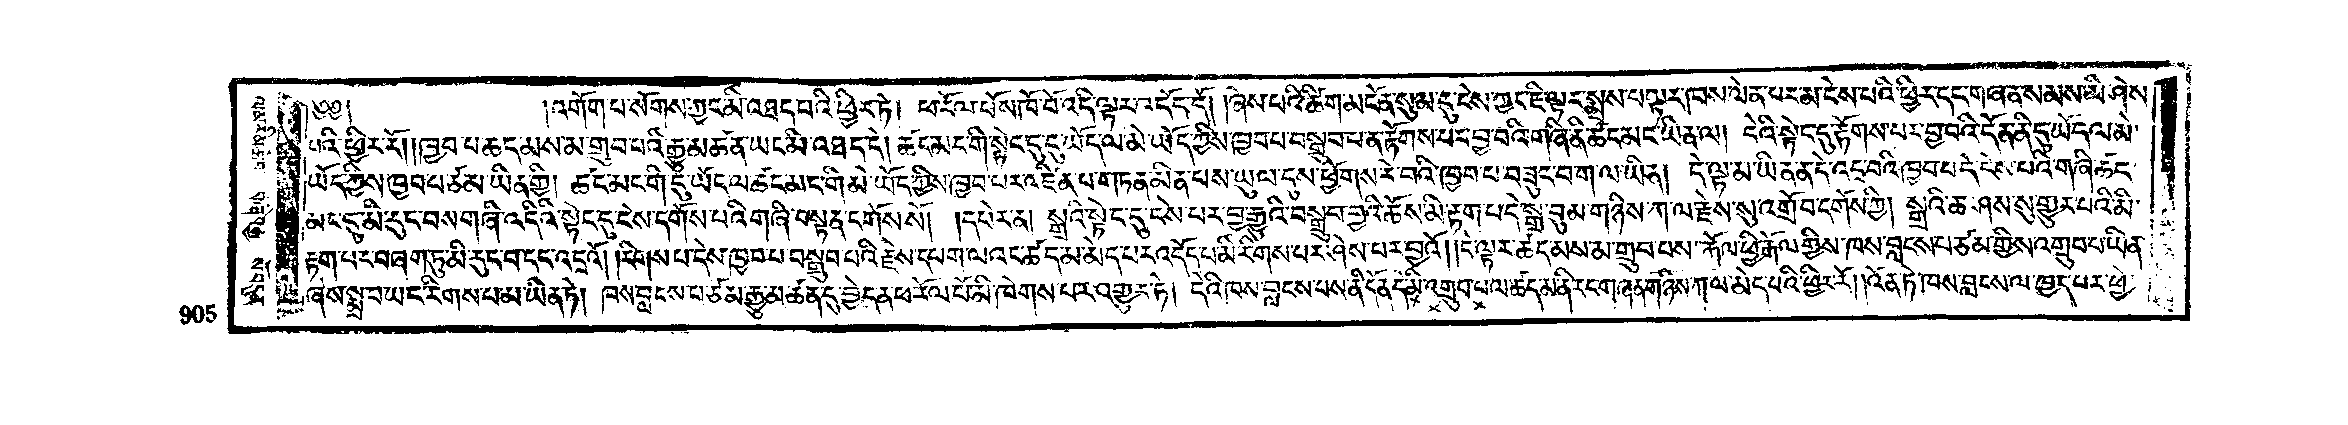༄༅། །འགོག་པ་སོགས་ཀྱང་མི་འཐད་པའི་ཕྱིར་ཏེ། ཕ་རོལ་པོས་ཁོ་བོ་འདི་ལྟར་འདོད་དོ། །ཞེས་པའི་ཚིག་མངོན་སུམ་དུ་ངེས་ཀྱང་ཇི་ལྟར་སྨྲས་པ་ལྟར་ཁས་ལེན་པར་མ་ངེས་པའི་ཕྱིར་དང་གཞན་སེམས་མི་ཤེས་
པའི་ཕྱིར་རོ། །ཁྱབ་པ་ཚད་མས་མ་གྲུབ་པའི་རྒྱུ་མཚན་ཡང་མི་འཐད་དེ། ཚང་མང་གི་སྟེང་དུ་དུ་ཡོད་ལ་མེ་ཡོད་ཀྱིས་ཁྱབ་པ་བསྒྲུབ་པ་ན་རྟོགས་པར་བྱ་བའི་གཞི་ནི་ཚང་མང་ཡིན་ལ། དེའི་སྟེང་དུ་རྟོགས་པར་བྱ་བའི་དོན་ནི་དུ་ཡོད་ལ་མེ་
ཡོད་ཀྱིས་ཁྱབ་པ་ཙམ་ཡིན་གྱི། ཚང་མང་གི་དུ་ཡོད་ལ་ཚང་མང་གི་མེ་ཡོད་ཀྱིས་ཁྱབ་པར་འཛིན་པ་གཏན་མིན་པས་ཡུལ་དུས་ཕྱོགས་རེ་བའི་ཁྱབ་པ་བཟུང་བ་ག་ལ་ཡིན། དེ་ལྟ་མ་ཡིན་ན་དེ་འདྲ་བའི་ཁྱབ་པ་དེ་ངེས་པའི་གཞི་ཚང་
མང་དུ་མི་རུང་བས་གཞི་འདིའི་སྟེང་དུ་ངེས་དགོས་པའི་གཞི་བསྟན་དགོས་སོ། །དཔེར་ན། སྒྲའི་སྟེང་དུ་ངེས་པར་བྱ་རྒྱུའི་བསྒྲུབ་བྱའི་ཆོས་མི་རྟག་པ་དེ་སྒྲ་བུམ་གཉིས་ཀ་ལ་རྗེས་སུ་འགྲོ་བ་དགོས་ཀྱི། སྒྲའི་ཆ་ཤས་སུ་གྱུར་པའི་མི་
རྟག་པར་བཞག་ཏུ་མི་རུང་བ་དང་འདྲའོ། །རིགས་པ་དེས་ཁྱབ་པ་བསྒྲུབ་པའི་རྗེས་དཔག་ལའང་ཚད་མ་མེད་པར་འདོད་པ་མི་རིགས་པར་ཤེས་པར་བྱའོ། །དེ་ལྟར་ཚད་མས་མ་གྲུབ་པས་རྒོལ་ཕྱི་རྒོལ་གྱིས་ཁས་བླངས་པ་ཙམ་གྱིས་འགྲུབ་པ་ཡིན་
ཞེས་སྨྲ་བ་ཡང་རིགས་པ་མ་ཡིན་ཏེ། ཁས་བླངས་པ་ཙམ་རྒྱུ་མཚན་དུ་བྱེད་ན་ཕ་རོལ་པོ་མི་ཁེགས་པར་འགྱུར་ཏེ། དེའི་ཁས་བླངས་པས་ནི་དོན་དེ་མི་འགྲུབ་པ་ལ་ཚད་མ་ནི་རང་གཞན་གཉིས་ཀ་ལ་མེད་པའི་ཕྱིར་རོ། །འོན་ཏེ་ཁས་བླངས་ལ་ཁྱད་པར་ཕྱེ་